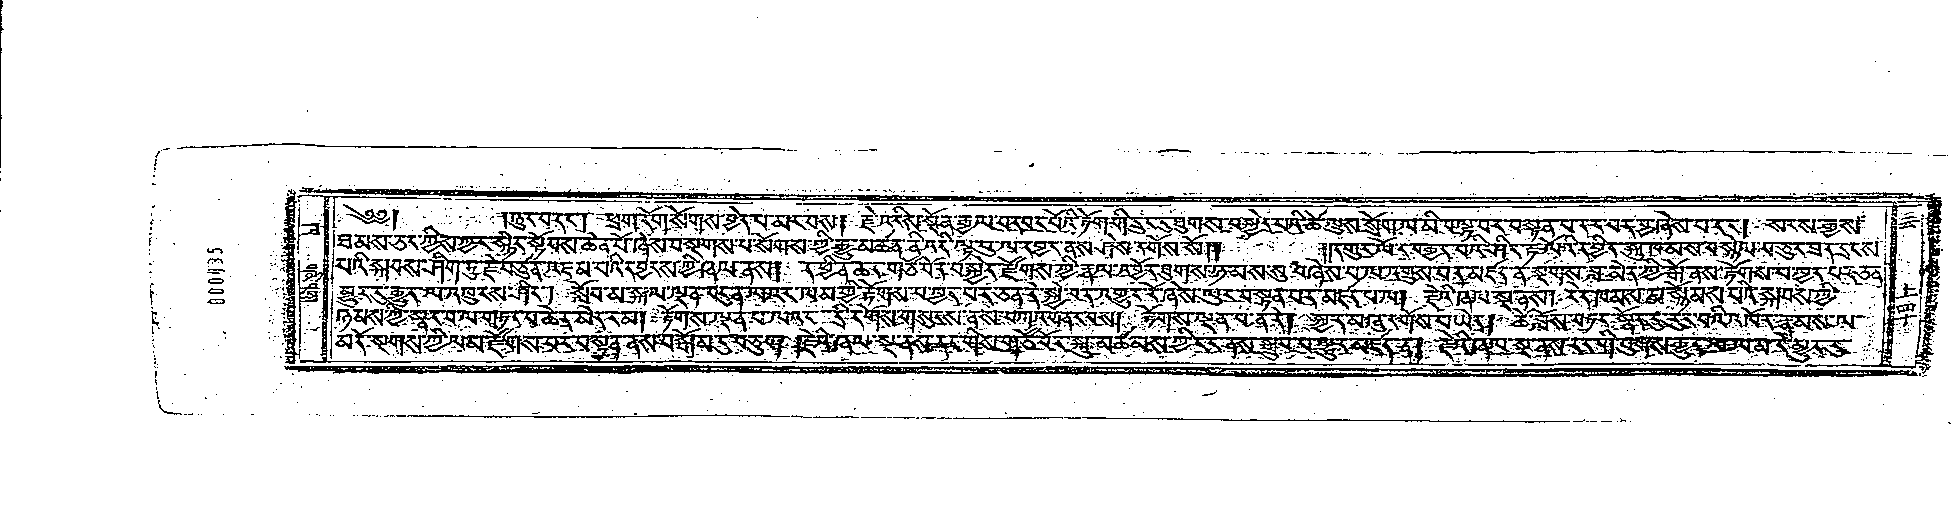༄༅། །ཉུང་བ་དང་། ཕྲག་དོག་སོགས་བྱེད་པ་མང་བས། རྗེ་འདིས་སྔོན་རྒྱལ་བ་དབང་པོའི་ཏོག་གི་དྲུང་དུ་ཐུགས་བསྐྱེད་པའི་ཚེ་ལུས་སྲོག་ལ་མི་བལྟ་བར་བསྟན་པ་རར་བར་བྱ་ཞེས་པ་དང་། སངས་རྒྱས་
ཐམས་ཅད་ཀྱིས་ཀྱང་སྙིང་སྟོབས་ཆེན་པོ་ཞེས་བསྔགས་པ་སོགས་ཀྱི་རྒྱུ་མཚན་ནི་འདི་ལྟ་བུ་ལ་དབྱང་ནས་ཤེས་དགོས་སོ།། །།དགུང་ལོ་ང་བརྒྱད་པའི་ཤིང་རྟ་ལོའི་དཔྱིད་སྐུ་ཁམས་བསྙེལ་བ་ཅུང་ཟད་དྲངས་
པའི་སྐབས་ཤིག་ཏུ་རྗེ་བཙུན་འཇམ་པའི་དབྱངས་ཀྱི་ཞལ་ནས། དཔྱིན་ཆད་གཙོ་བོར་བསྐྱེད་རྫོགས་ཀྱི་རྣལ་འབྱོར་ཐུགས་ཉམས་སུ་བཞེས་པ་ལ་འགྲུས་པར་མཛད་ན་སྔགས་བླ་མེད་ཀྱི་སྒོ་ནས་རྟོགས་པ་ཁྱད་པར་ཅན་
མྱུར་དུ་རྒྱུད་ལ་འཁྲུངས་ཤིང་། སློབ་མ་སྐལ་ལྡན་བདུན་ལའང་ལམ་གྱི་རྟོགས་པ་ཁྱད་པར་ཅན་རེ་སྐྱེ་བར་འགྱུར་རོ་ཞེས་ལུང་བསྟན་པར་མཛད་པ་ལ། རྗེའི་ཞལ་སྔ་ནས། དེད་ཁམས་མ་སྙོམས་པའི་སྐབས་ཀྱི་
ཉམས་ཀྱི་སྣང་བ་ལ་གཏད་པ་ཆེར་མེད་དམ། རྟོགས་ལྡན་པ་ལའང་དྲི་དགོས་གསུངས་ནས་བཀའ་གནང་བས། རྟོགས་ལྡན་པ་ན་རེ། སྐྱར་མ་ཞུ་དགོས་པ་ཡོད། ཚེ་བློས་བཏང་སྣོད་དུ་རུང་བའི་འཁོར་རྣམས་ལ་
མདོ་སྔགས་ཀྱི་ལམ་རྫོགས་པར་བསྟན་ནས་བསྒོམ་དུ་བཅུག །རྗེའི་ཞལ་སྔ་ནས་རང་གིས་གཙོ་བོར་སྐུ་མཚམས་ཀྱི་ངང་ནས་སྒྲུབ་པ་ལྷུར་མཛད་ན། རྗེའི་ཞལ་སྔ་ནས་རང་གི་ཐུགས་རྒྱུད་ལ་ལམ་དེ་མྱུར་དུ་